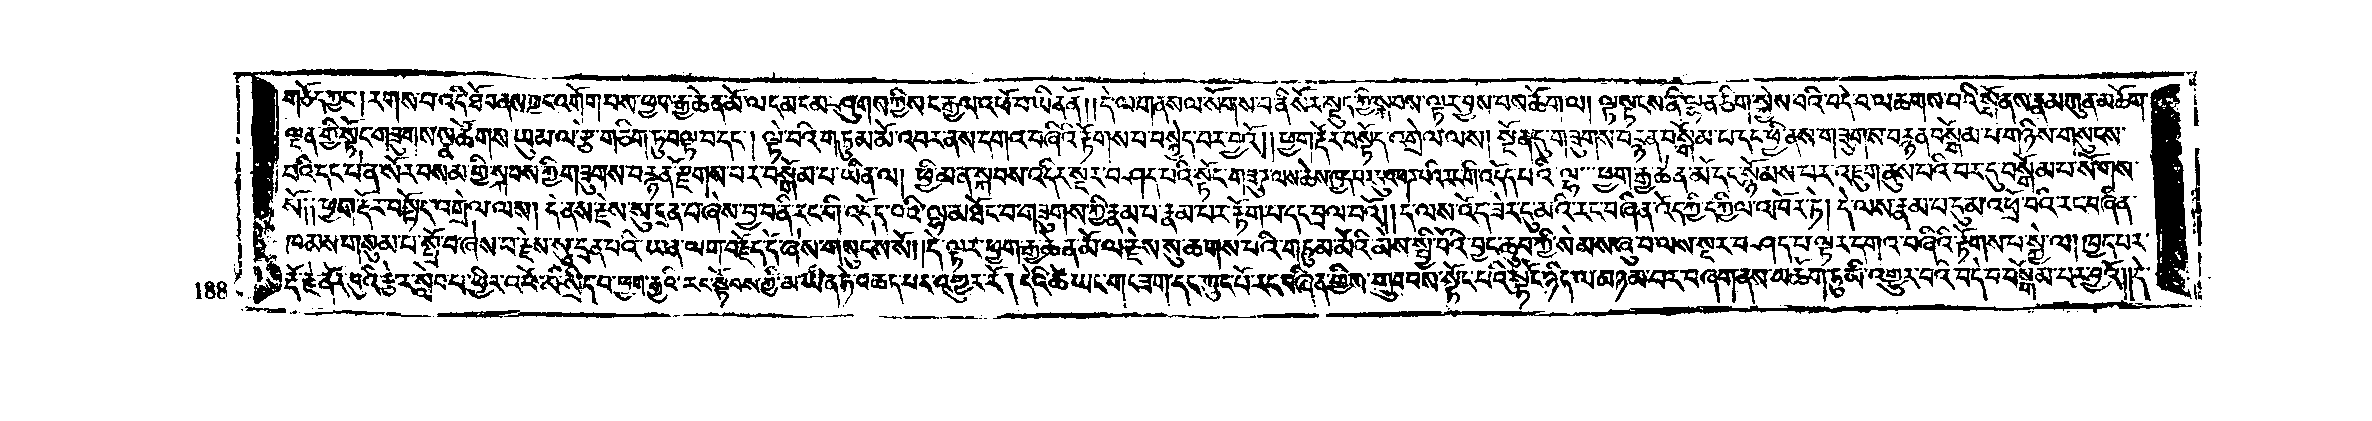གཅོད་ཀྱང་། རགས་པ་འདི་ཐོབ་ནས་ཀྱང་འགོག་པས་ཕྱག་རྒྱ་ཆེན་མོ་ལ་ངམ་ངམ་ཤུགས་ཀྱིས་ང་རྒྱལ་འཕོ་བ་ཡིན་ནོ། །དེ་ལ་གནས་ལ་སོགས་པ་ནི་སོར་སྡུད་ཀྱི་སྐབས་ལྟར་བྱས་པས་ཆོག་ལ། ལྟ་སྟངས་ནི་ལྷན་ཅིག་སྐྱེས་པའི་བདེ་བ་ལ་ཆགས་པའི་སྒོ་ནས་རྣམ་ཀུན་མཆོག་
ལྡན་གྱི་སྟོང་གཟུགས་སྣ་ཚོགས་ཡུམ་ལ་རྩེ་གཅིག་ཏུ་བལྟ་བ་དང་། ལྟེ་བའི་གཏུམ་མོ་འབར་ནས་དགའ་བཞིའི་རྟོགས་པ་བསྐྱེད་པར་བྱའོ། །ཕྱག་རྡོར་བསྟོད་འགྲེལ་ལས། སྔོན་དུ་གཟུགས་བརྙན་བསྒོམ་པ་དང་ཕྱི་ནས་གཟུགས་བརྙན་བསྒོམ་པ་གཉིས་གསུངས་
པའི་དང་པོ་ན་སོར་བསམ་གྱི་སྐབས་ཀྱི་གཟུགས་བརྙན་རྫོགས་པར་བསྒོམ་པ་ཡིན་ལ། ཕྱི་མ་ན་སྐབས་འདིར་སྔར་བཤད་པའི་སྟོང་གཟུགས་ལས་ཆེས་ཁྱད་པར་དུ་འཕགས་པའི་རང་གི་འདོད་པའི་ལྷ་ཕྱག་རྒྱ་ཆེན་མོ་དང་སྙོམས་པར་འཇུག་ནུས་པའི་བར་དུ་བསྒོམ་པ་སོགས་
སོ༑ ༑ཕྱག་རྡོར་བསྟོད་འགྲེལ་ལས། དེ་ནས་རྗེས་སུ་དྲན་པ་ཞེས་བྱ་བ་ནི་རང་གི་འདོད་པའི་ལྷ་མཐོང་བ་གཟུགས་ཀྱི་རྣམ་པ་རྣམ་པར་རྟོག་པ་དང་བྲལ་བའོ། །དེ་ལས་འོད་ཟེར་དུ་མའི་རང་བཞིན་འོད་ཀྱི་དཀྱིལ་འཁོར་ཏེ། དེ་ལས་རྣམ་པ་དུ་མ་འཕྲོ་བའི་རང་བཞིན་
ཁམས་གསུམ་པ་སྤྲོ་བ་ཞེས་པ་རྗེས་སུ་དྲན་པའི་ཡན་ལག་བརྗོད་དོ་ཞེས་གསུངས་སོ། །དེ་ལྟར་ཕྱག་རྒྱ་ཆེན་མོ་ལ་རྗེས་སུ་ཆགས་པའི་གཏུམ་མོའི་མེས་སྤྱི་བོའི་བྱང་ཆུབ་ཀྱི་སེམས་ཞུ་བ་ལས་སྔར་བཤད་པ་ལྟར་དགའ་བཞིའི་རྟོགས་པ་སྐྱེ་ལ། ཁྱད་པར་
རྡོ་རྗེ་ནོར་བུའི་རྩེར་སླེབ་པ་ཕྱིར་འཕོ་མི་སྲིད་པ་ཕྱག་རྒྱའི་རང་སྟོབས་ཀྱི་མ་ཡིན་ཏེ་འཆད་པར་འགྱུར་རོ། །དེའི་ཚེ་ཡང་གང་ཟག་དང་ཀུན་པོ་རང་བཞིན་གྱིས་གྲུབ་པས་སྟོང་པའི་སྟོང་ཉིད་ལ་མཉམ་པར་བཞག་ནས་མཆོག་ཏུ་མི་འགྱུར་པའི་བདེ་བ་བསྒོམ་པར་བྱའོ། །དེ་